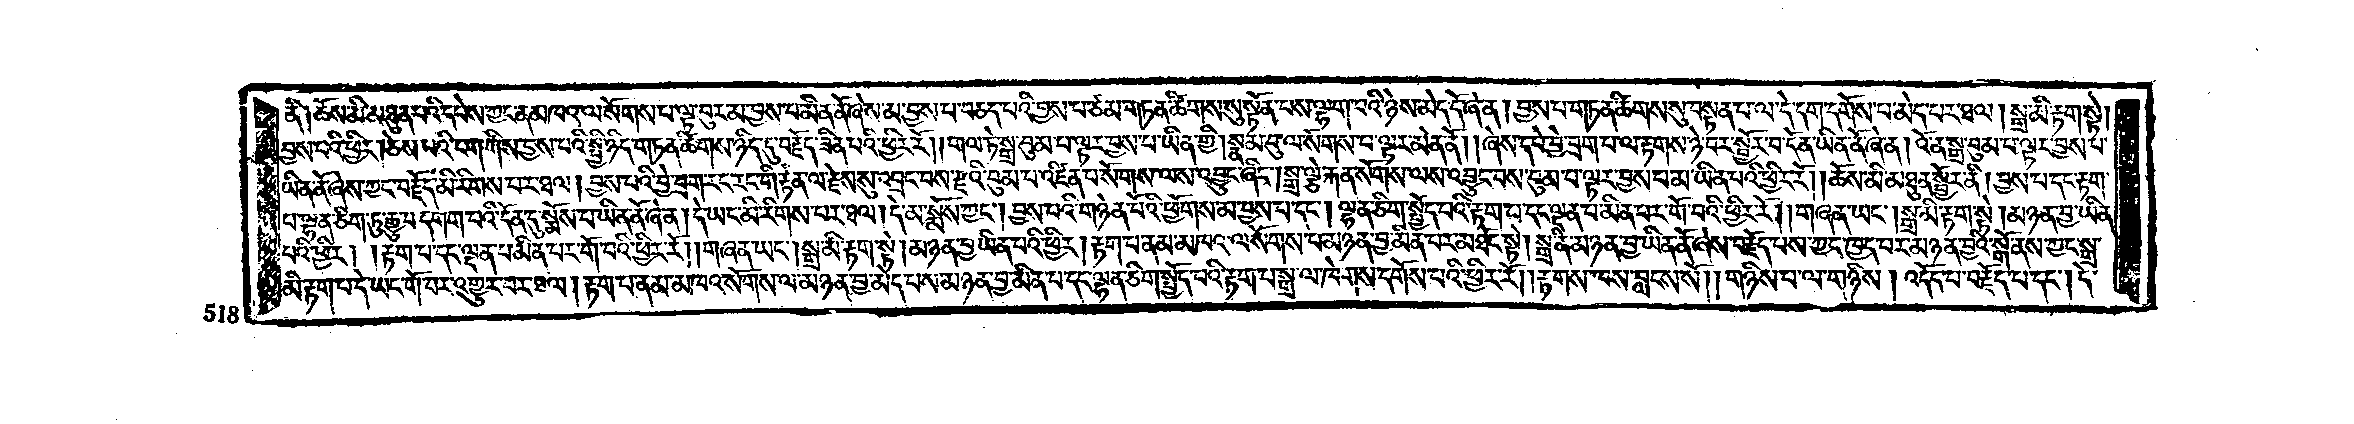ནི༑ ཆོས་མི་མཐུན་པའི་དཔེས་ཀྱང་ནམ་མཁའ་ལ་སོགས་པ་ལྟ་བུར་མ་བྱས་པ་མིན་ནོ་ཞེས་མ་བྱ་པ་བཅད་པའི་བྱས་པ་ཙམ་གཏན་ཚིགས་སུ་སྟོན་པས་ལྷག་པའི་ཉེས་མེད་དོ་ཞེ་ན། བྱས་པ་གཏན་ཚིགས་སུ་བསྟན་པ་ལ་དེ་དག་དགོས་པ་མེད་པར་ཐལ། སྒྲ་མི་རྟག་སྟེ།
བྱས་པའི་ཕྱིར། ཅེས་པའི་ངག་གིས་བྱས་པའི་སྤྱི་ཉིད་གཏན་ཚིགས་ཉིད་དུ་བརྗོད་ཟིན་པའི་ཕྱིར་རོ། །གལ་ཏེ་སྒྲ་བུམ་པ་ལྟར་བྱས་པ་ཡིན་གྱི། སྣམ་བུ་ལ་སོགས་པ་ལྟར་མིན་ནོ། །ཞེས་དཔེ་བྱེ་བྲག་པ་ལ་རྟགས་ཉེ་བར་སྦྱོར་བ་དོན་ཡིན་ནོ་ཞེ་ན། འོ་ན་སྒྲ་བུམ་པ་ལྟར་བྱས་པ་
ཡིན་ནོ་ཞེས་ཀྱང་བརྗོད་མི་རིགས་པར་ཐལ། བྱས་པའི་བྱེ་བྲག་རང་རང་གི་རྟེན་ལ་རྗེས་སུ་འབྲང་བས་རྫའི་བུམ་པ་འཛིན་པ་སོགས་ལས་འབྱུང་ཞིང་། སྒྲ་ལྕེ་རྐན་སོགས་ལས་འབྱུང་བས་བུམ་པ་ལྟར་བྱས་པ་མ་ཡིན་པའི་ཕྱིར་རོ། །ཆོས་མི་མཐུན་སྦྱོར་ནི། བྱས་པ་དང་རྟག་
པ་ལྷན་ཅིག་ཏུ་རྒྱུ་བ་དགག་པའི་དོན་དུ་སྨོས་པ་ཡིན་ནོ་ཞེ་ན། དེ་ཡང་མི་རིག་སྤར་ཐལ། དེ་མ་སྨོས་ཀྱང་། བྱས་པའི་གཉེན་པོའི་ཕྱོགས་མ་བྱས་པ་དང་། ལྷན་ཅིག་སྤྱོད་པའི་རྟག་པ་དང་ལྡན་པ་མིན་པར་གོ་བའི་ཕྱིར་རོ། །གཞན་ཡང་། སྒྲ་མི་རྟག་སྟེ། མཉན་བྱ་ཡིན་
པའི་ཕྱིར། །རྟག་པ་དང་ལྡན་པ་མིན་པར་གོ་བའི་ཕྱིར་རོ། །གཞན་ཡང་། སྒྲ་མི་རྟག་སྟེ། མཉན་བྱ་ཡིན་པའི་ཕྱིར། རྟག་པ་ནམ་མཁའ་ལ་སོགས་པ་མཉན་བྱ་མིན་པར་མཐོང་སྟེ། སྒྲ་ནི་མཉན་བྱ་ཡིན་ནོ་ཞེས་བརྗོད་པས་ཀྱང་ཁྱད་པར་མཉན་བྱའི་སྒོ་ནས་ཀྱང་སྒྲ་
མི་རྟག་པ་དེ་ཡང་གོ་བར་འགྱུར་བར་ཐལ། རྟག་པ་ནམ་མཁའ་སོགས་ལ་མཉན་བྱ་མེད་པས་མཉན་བྱ་མིན་པ་དང་ལྷན་ཅིག་སྤྱོད་པའི་རྟག་པ་སྒྲ་ལ་ཁེགས་དགོས་པའི་ཕྱིར་རོ། །རྟགས་ཁས་བླངས་སོ། །གཉིས་པ་ལ་གཉིས། འདོད་པ་བརྗོད་པ་དང་། དེ་